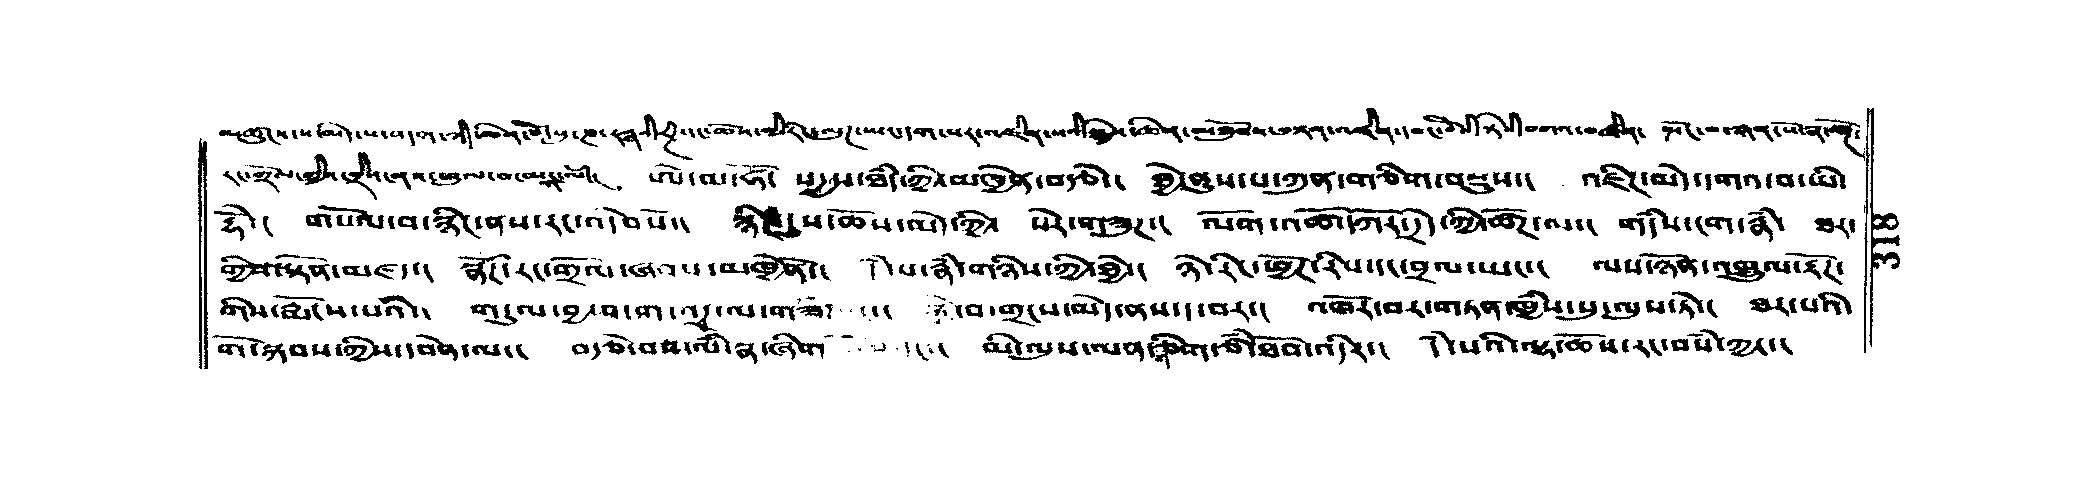མཚུངས་པ་མེད་པ་བདག་ཉིད་ཆེན་པོ་གུ་ཎ་རཏྣའི་རིགས་དང་ཆོས་ཀྱི་རིང་ལུགས་ཡང་དག་པར་འཛིན་པའི་སྐྱེས་ཆེན་མཐུ་སྟོབས་བསྟན་འཛིན་དབང་པོའི་སྡེའི་བཀའ་བཞིན། སྤོང་བ་རྒན་པོ་སྣ་ཚོགས་
རང་གྲོལ་གྱིས་བྲིས་ནས་ཕུལ་བ་མངྒ་ལམ།། ཨེ་མ་ཧོ། སངས་རྒྱས་ཐམས་ཅད་ཀྱི་མཁྱེན་བརྩེ། །ཐུགས་རྗེ་ནུས་པ་ཀུན་གཅིག་བསྡུས། །འཇིགས་མེད་དགའ་བ་ཡི་
རྡོ་རྗེ། །གསོལ་བ་སྙིང་ནས་རང་འདེབས་སོ། །སྙིགས་དུས་ཆོས་མེད་ཀྱི་སེར་གཟུགས། །ལོག་འཚོ་དཀོར་དྲེད་ཀྱི་ཚོགས་ལ། །གདམས་ངག་རྣམ་ཐར་
གྱིས་སྟོན་མཛད། །སྣ་ཚོགས་རང་གྲོལ་ཞབས་མཁྱེན་ནོ། །དམ་པ་རྣམ་གཉིས་ཀྱི་ཐུགས་རྗེ། །ཉེ་རིང་ཕྱོགས་རིས་དང་བྲལ་ཡང་། །ལས་ཉོན་འཁྲུལ་རྟོག་
གིས་རྨོངས་པའི། །གདུལ་བྱ་བདག་འདྲ་ལ་གཟིགས་དང་། །སྐྱེ་བ་གྲངས་མེད་ནས་ད་བར། །འཁོར་བར་གཏན་ཁྱམས་སུ་ལུས་ཏེ། །ཐར་པའི་
གོ་སྐབས་ཀྱིས་དབེན་ལ། །བརྩེ་བས་ལམ་སྣ་ཞིག་སྟོན་དང་། །མི་ལུས་ལན་གཅིག་ཙམ་ཐོབ་འདིར། །དམ་པའི་ལྷ་ཆོས་རང་བསམ་ཀྱང་།